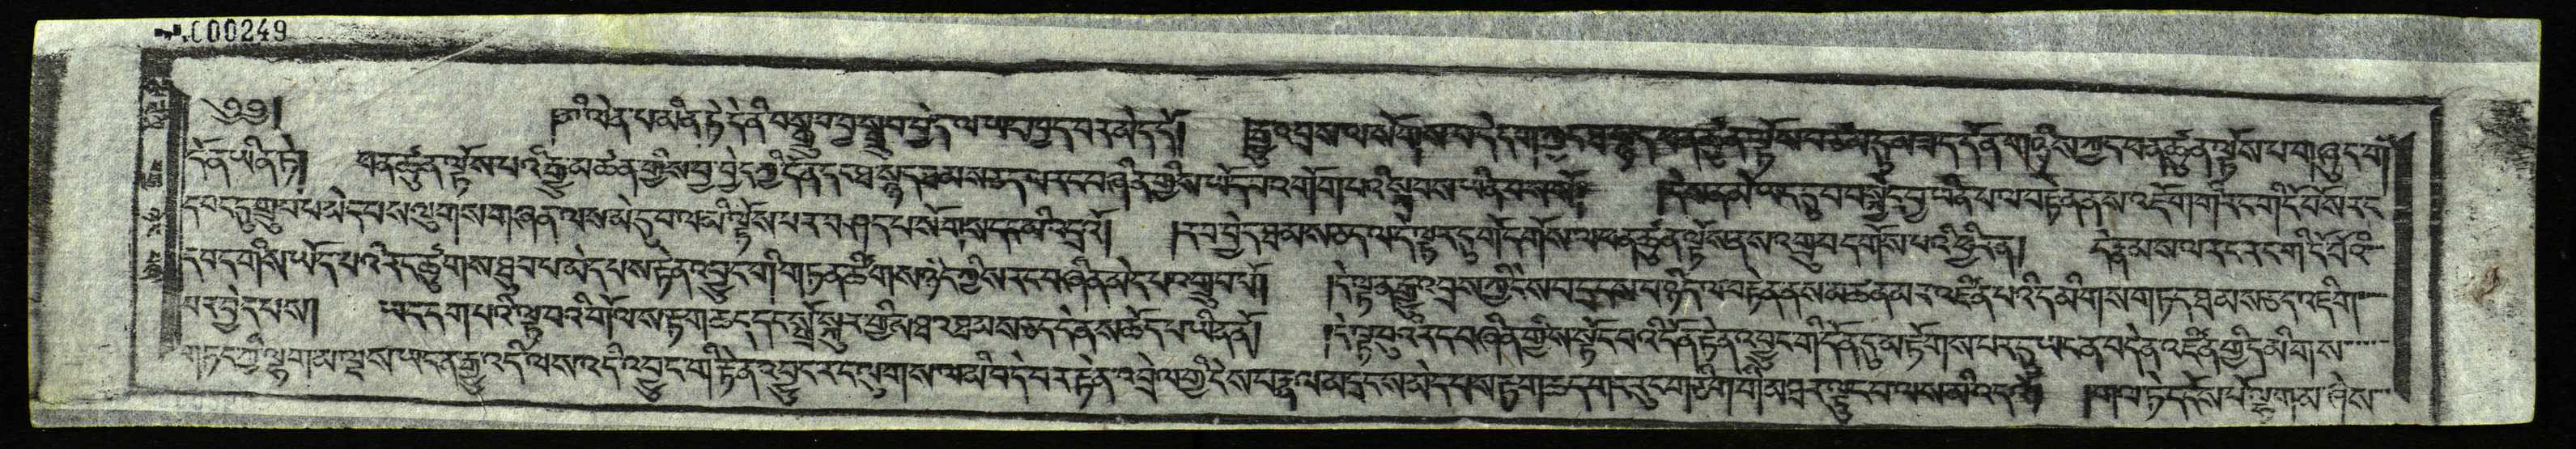༄༅། །མི་ལེན་པ་མིན་ཏེ་དེ་ནི་བསྒྲུབ་བྱ་སྒྲུབ་བྱེད་ལ་ཡང་ཁྱད་པར་མེད་དོ། །རྒྱུ་འབྲས་ལ་སོགས་པ་དེ་དག་ཀྱང་ཐ་སྙད་ཕན་ཚུན་ལྟོས་པ་ཙམ་དུ་མ་ཟད་དོན་གཉིས་ཀྱང་ཕན་ཚུན་ལྟོས་པ་གཞུང་གི་
དོན་ཡིན་ཏེ། ཕན་ཚུན་ལྟོས་པའི་རྒྱུ་མཚན་གྱིས་བྱ་བྱེད་ཀྱི་དོན་དང་ཐ་སྙད་ཐམས་ཅད་པ་རང་བཞིན་གྱིས་ཡོད་པ་འགོག་པའི་སྐབ་ཡིན་པས་སོ། །དེས་ན་མེ་ཡང་དུ་བ་བསྐྱེད་བྱ་ཡིན་པ་ལ་བརྟེན་ནས་འཇོག་གི་རང་གི་ངོ་བོས་རང་
དབང་དུ་གྲུབ་པ་མེད་པས་ལུགས་གཞན་ལས་མེ་དུ་བ་ལ་མི་ལྟོས་པར་བཤད་པ་སོགས་དང་མི་འདྲའོ། །རབ་བྱེད་ཐམས་ཅད་ལ་དེ་ལྟར་དུ་གོང་དགོས་ལ་ཕན་ཚུན་ལྟོས་ནས་འགྲུབ་དགོས་པའི་ཕྱིར་ན། དེ་རྣམས་ལ་རང་རང་གི་ངོ་བོའི་
དབང་གིས་ཡོད་པའི་རང་ཚུགས་ཐུབ་པ་མེད་པས་རྟེན་འབྱུང་གི་གཏན་ཚིགས་ཉིད་ཀྱིས་རང་བཞིན་མེད་པ་འགྲུབ་པོ། །དེ་ལྟ་ན་རྒྱུ་འབྲས་ཀྱི་ངེས་པ་དྲངས་པ་ཉིད་ལ་བརྟེན་ནས་མཚན་མར་འཛིན་པའི་དམིགས་གཏད་ཐམས་ཅད་འཇིག་
པར་བྱེད་པས། ཡང་དག་པའི་ལྟ་བའི་གོལ་ས་རྟག་ཆད་དང་སྒྲོ་སྐུར་གྱི་མཐའ་ཐམས་ཅད་དེ་ནས་ཆོད་པ་ཡིན་ནོ། །དེ་ལྟ་བུའི་རང་བཞིན་གྱིས་སྟོང་པའི་དོན་རྟེན་འབྱུང་གི་དོན་དུ་མ་རྟོགས་པར་དུ་ཡང་ན་བདེན་འཛིན་གྱི་དམིགས་
གཏད་ཀྱི་ལྷག་མ་ལྔས་ཡང་ན་རྒྱུ་འདི་ལས་འདི་འབྱུང་གི་རྟེན་འབྱུང་རང་ལུགས་ལ་མི་བདེ་བར་རྟེན་འབྲེལ་གྱི་ངེས་པ་རྣལ་མ་དྲངས་མེད་པས་རྟག་ཆད་གང་རུང་གཅིག་གི་མཐར་ལྟུང་བ་ལས་མི་འདའོ། །གལ་ཏེ་དངོས་པོ་ལྷག་མ་ཞེས་